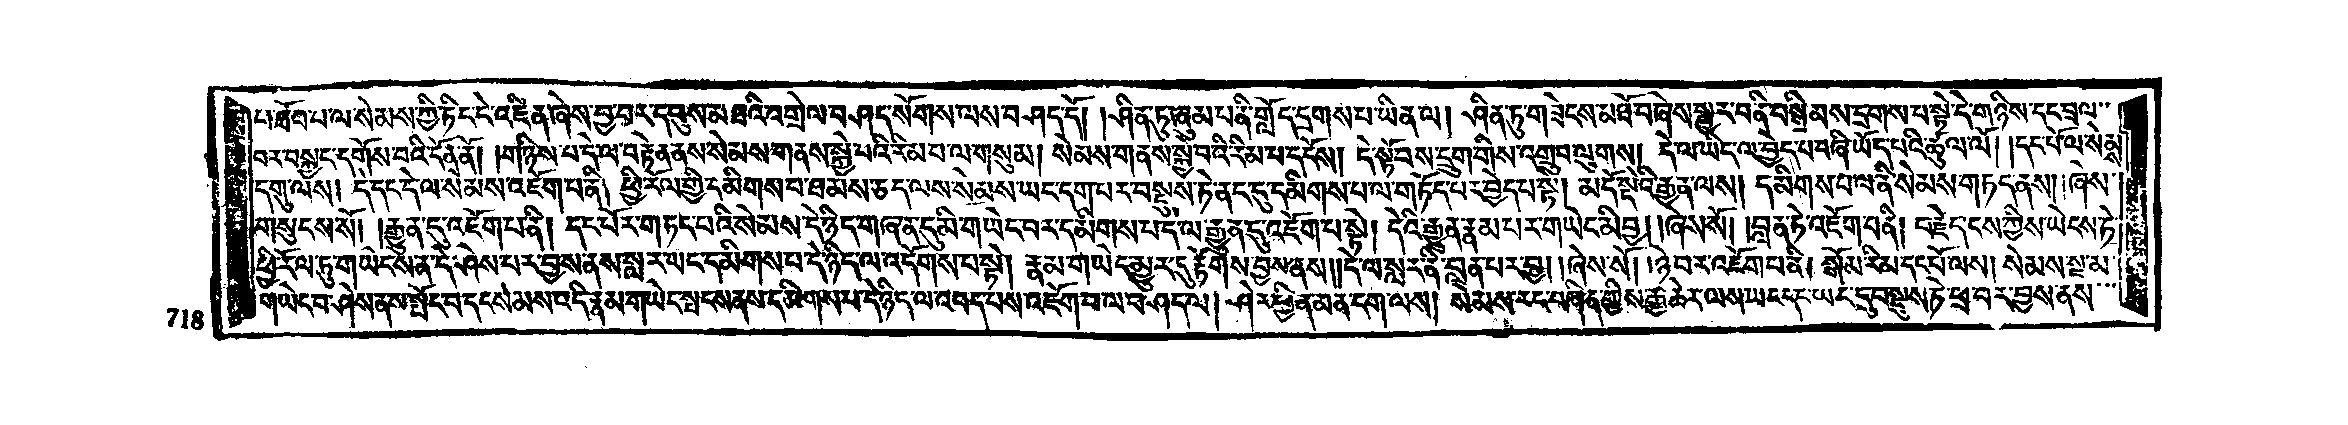པ་ཐོབ་པ་ལ་སེམས་ཀྱི་ཏིང་ངེ་འཛིན་ཞེས་བྱ་བར་དབུས་མཐའི་འགྲེལ་བཤད་སོགས་ལས་བཤད་དོ། །ཤིན་ཏུ་ཞུམ་པ་ནི་གློད་དྲགས་པ་ཡིན་ལ། ཤིན་ཏུ་གཟེངས་མཐོ་བ་ཞེས་སྦྱར་བ་ནི་བསྒྲིམས་དྲགས་པ་སྟེ་དེ་གཉིས་དང་བྲལ་
བར་བསྐྱང་དགོས་པའི་དོན་ནོ། །གཉིས་པ་དེ་ལ་བརྟེན་ནས་སེམས་གནས་སྐྱེ་བའི་རིམ་པ་ལ་གསུམ། སེམས་གནས་སྐྱེ་བའི་རིམ་པ་དངོས། དེ་སྟོབས་དྲུག་གིས་འགྲུབ་ལུགས། དེ་ལ་ཡིད་ལ་བྱེད་པ་བཞི་ཡོད་པའི་ཚུལ་ལོ། །དང་པོ་ལ་སེམས་
དགུ་ལས། དེ་དང་དེ་ལ་སེམས་འཇོག་པ་ནི། ཕྱི་རོལ་གྱི་དམིགས་པ་ཐམས་ཅད་ལས་སེམས་ཡང་དག་པར་བསྡུས་ཏེ་ནང་དུ་དམིགས་པ་ལ་གཏོད་པར་བྱེད་པ་སྟེ། མདོ་སྡེའི་རྒྱན་ལས། དམིགས་པ་ལ་ནི་སེམས་གཏད་ནས། །ཞེས་
གསུངས་སོ། །རྒྱུན་དུ་འཇོག་པ་ནི། དང་པོར་གཏད་པའི་སེམས་དེ་ཉིད་གཞན་དུ་མི་གཡེང་བར་དམིགས་པ་དེ་ལ་རྒྱུན་དུ་འཇོག་པ་སྟེ། དེའི་རྒྱུན་རྣམ་པར་གཡེང་མི་བྱ། །ཞེས་སོ། །བླན་ཏེ་འཇོག་པ་ནི། བརྗེད་ངས་ཀྱིས་ཡེངས་ཏེ་
ཕྱི་རོལ་དུ་གཡེངས་ན་དེ་ཤེས་པར་བྱས་ནས་སླར་ཡང་དམིགས་པ་དེ་ཉིད་ལ་འདོགས་པ་སྟེ། རྣམ་གཡེང་མྱུར་དུ་རྟོགས་བྱས་ནས། །དེ་ལ་སླར་ནི་བླན་པར་བྱ། །ཞེས་སོ། །ཉེ་བར་འཇོག་པ་ནི། སྒོམ་རིམ་དང་པོ་ལས། སེམས་སྔ་མ་
གཡེང་བ་ཤེས་ནས་སྤོང་བ་དང་སེམས་འདི་རྣམ་གཡེང་སྤངས་ནས་དམིགས་པ་དེ་ཉིད་ལ་འབད་པས་འཇོག་པ་ལ་བཤད་ལ། ཤེར་ཕྱིན་མན་ངག་ལས། སེམས་རང་བཞིན་གྱིས་རྒྱ་ཆེ་བ་ལས་ཡང་དང་ཡང་དུ་བསྡུས་ཏེ་ཕྲ་བར་བྱས་ནས་